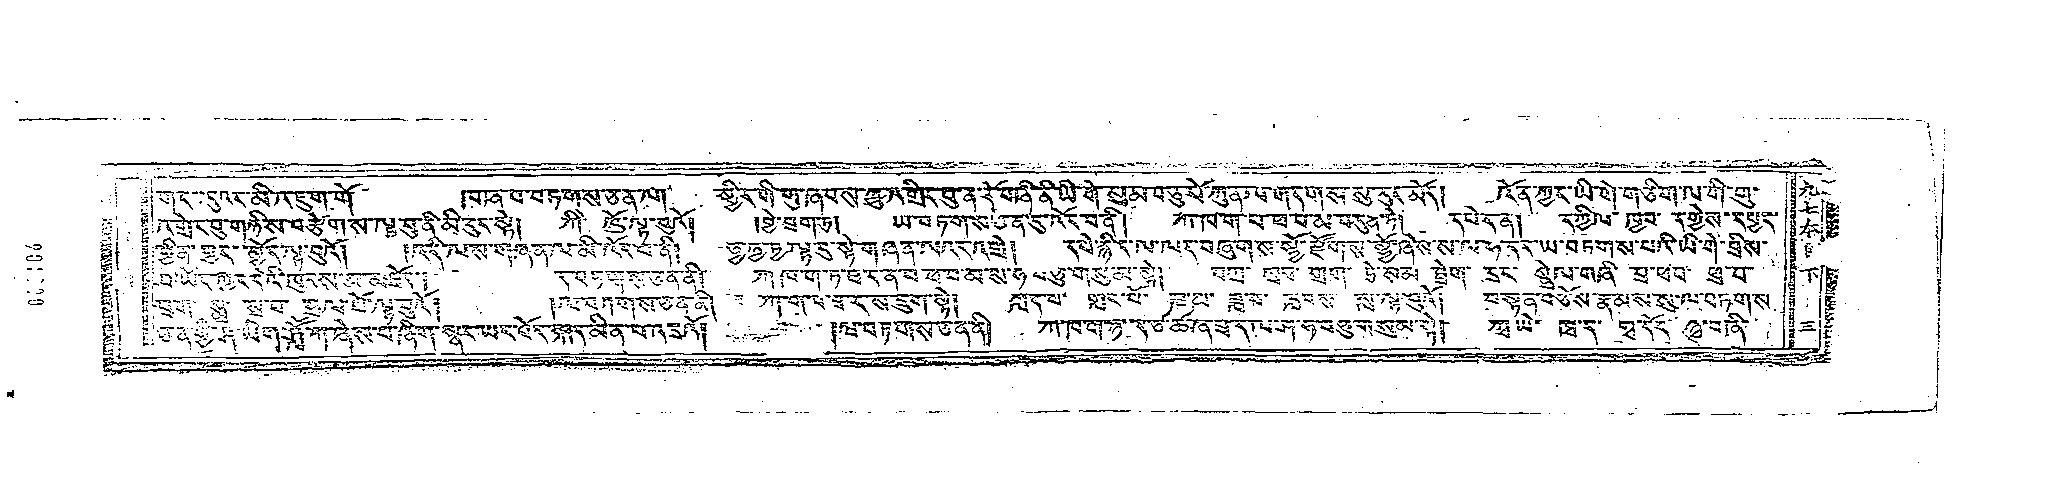གང་དུ་འང་མི་འཇུག་གོ །བཞི་པ་བཏགས་ཅན་ལ། སྤྱིར་གི་གུ་ཞབས་ཀྱུ་འགྲེང་བུ་ན་རོ་བཞི་ནི་ཡི་གེ་སུམ་བཅུ་པོ་ཀུན་ལ་གདགས་སུ་རུང་མོད། འོན་ཀྱང་ཡི་གེ་གཅིག་ལ་གི་གུ་
འགྲེང་བུ་གཉིས་བརྩེགས་ལྟ་བུ་ནི་མི་རུང་སྟེ། ཀི་ཁུ་ལྟ་བུའོ། །བྱེ་བྲག་ཏུ། ཡ་བཏགས་ཅན་དུ་འོང་བ་ནི། ཀ་ཁ་ག་པ་ཕ་བ་མ་བདུན་ཏེ། དཔེར་ན། དཀྱིལ་བྱ་བ་དཀྱེས་དབྱད་
ཕྱིར་བྱད་མྱོང་ལྟ་བུའོ། །འདི་ལས་གཞན་ལ་མི་འོད་བ་ནི། ཅྱ་ཉྱ་ཏྱ་ལྟ་བུ་སྟེ་གཞན་ལའང་འགྲེ། དཔེ་རྙིང་ལ་ལར་བཞུགས་ཤྱོ་རྫོགས་ཤྱོ་ཞེས་ས་ལ་ཧ་དང་ཡ་བཏགས་པའི་ཡི་གེ་བྲིས་
པ་ཡོད་ཀྱང་དེའི་ཁུངས་མ་མཐོང་། ར་བཏགས་ཅན་ནི། ཀ་ཁ་ག་ཏ་ཐ་ད་ན་པ་ཕ་བ་མ་ས་ཧ་བཅུ་གསུམ་སྟེ། བཀྲ་ཁྲབ་གྲག་ཏྲེ་སམ་ཐེག་དྲང་སྣེལ་གཞི་བྲ་ཕབ་ཕྲ་བ་
བྲག་སྨྲ་སྲ་བ་ཧུལ་པོ་ལྟ་བུའོ། །ལ་བཏགས་ཅན་ནི། ཀ་ག་བ་ཟ་ར་ས་དྲུག་སྟེ། ཀླད་པ་གླང་པོ་བླ་མ་ཟླ་བ་རླབས་སླ་ལྟ་བུའོ། བསྟན་བཅོས་རྣམས་སུ་ལ་བཏགས་
ཅན་གྱི་ཤ་ཡིག་ཤླཽ་ཀ་ཞེས་པ་ཞིག་སྣང་ཡང་བོད་སྐད་མིན་པ་འདྲའོ། །ཝ་བཏགས་ཅན་ནི། ཀ་ཁ་ག་ཉ་ད་ཙ་ཚ་ཞ་ཟ་ར་ལ་ཤ་ཧ་བཅུ་གསུམ་སྟེ། ཀྭ་ཡི་ཁྭ་ད། གྭ་དོར་ཉ་བཞི་